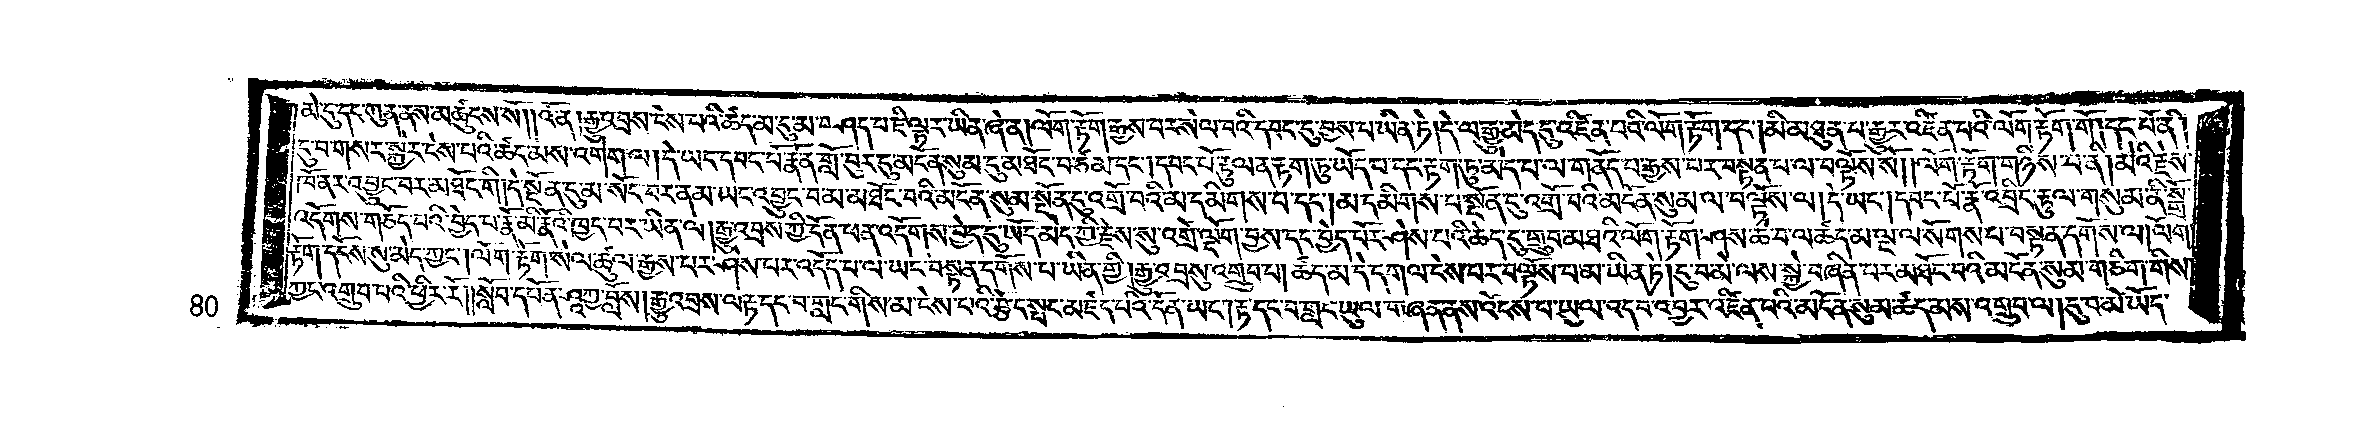མེ་དུ་དང་ཀུན་ནས་མཚུངས་སོ། །འོ་ན། རྒྱུ་འབྲས་ངེས་པའི་ཚད་མ་དུ་མ་བཤད་པ་ཇི་ལྟར་ཡིན་ཞེ་ན། ལོག་རྟོག་རྒྱས་བར་སེལ་བའི་དབང་དུ་བྱས་པ་ཡིན་ཏེ། དེ་ལ་རྒྱུ་མེད་དུ་འཛིན་པའི་ལོག་རྟོག་དང་། མི་མཐུན་པ་རྒྱུར་འཛིན་པའི་ལོག་རྟོག་གོ། དང་པོ་ནི།
དུ་བ་གསར་སྐྱེར་ངེས་པའི་ཚད་མས་འགག་ལ། དེ་ཡང་དབང་པོ་རྣོ་ན་གློ་བུར་དུ་མངོན་སུམ་དུ་མཐོང་བ་ཙམ་དང་། དབང་པོ་རྟུལ་ན་རྟག་ཏུ་ཡོད་པ་དང་རྟག་ཏུ་མེད་པ་ལ་གནོད་པ་རྒྱས་པར་བསྟན་པ་ལ་བལྟོས་སོ། །ལོག་རྟོག་གཉིས་པ་ནི། མེའི་རྗེས་
ཁོ་ནར་འབྱུང་བར་མཐོང་གི། དེ་སྔོན་དུ་མ་སོང་བར་ནམ་ཡང་འབྱུང་བ་མ་མཐོང་བའི་མངོན་སུམ་སྔོན་དུ་འགྲོ་བའི་མ་དམིགས་པ་དང་། མ་དམིགས་པ་སྔོན་དུ་འགྲོ་བའི་མངོན་སུམ་ལ་བལྟོས་ལ། དེ་ཡང་། དབང་པོ་རྣོ་འབྲིང་རྟུལ་གསུམ་ནི་སྒྲོ་
འདོགས་གཅོད་པའི་བྱེད་པ་རྣོ་མི་རྣོའི་ཁྱད་པར་ཡིན་ལ། རྒྱུ་འབྲས་ཀྱི་དོན་ཕན་འདོགས་བྱེད་དུ་ཡོད་མེད་ཀྱི་རྗེས་སུ་འགྲོ་ལྡོག་བྱས་དང་བྱེད་པོར་ཤེས་པའི་ཚད་དུ་གྲུབ་མཐའི་ལོག་རྟོག་ཤས་ཆེ་བ་ལ་ཚད་མ་ལྔ་ལ་སོགས་པ་བསྟན་དགོས་ལ། ལོག་
རྟོག་དངོས་སུ་མེད་ཀྱང་། ལོག་རྟོག་སེལ་ཚུལ་རྒྱས་པར་ཤེས་པར་འདོད་པ་ལ་ཡང་བསྟན་དགོས་པ་ཡིན་གྱི། རྒྱུ་འབྲས་སུ་འགྲུབ་པ། ཚད་མ་དེ་དག་ལ་ངེས་པར་བལྟོས་པ་མ་ཡིན་ཏེ། དུ་བ་མེ་ལས་སྐྱེ་བཞིན་པར་མཐོང་བའི་མངོན་སུམ་གཅིག་གིས་
ཀྱང་འགྲུབ་པའི་ཕྱིར་རོ། །སློབ་དཔོན་ཤཱཀྱ་བློས། རྒྱུ་འབྲས་ལ་རྟ་དང་བ་གླང་གིས་མ་ངེས་པའི་རྩོད་སྤང་མཛད་པའི་དོན་ཡང་། རྟ་དང་བ་གླང་ཡུལ་གཞན་ནས་འོངས་པ་ཡུལ་འདབ་འབྱར་འཛིན་པའི་མངོན་སུམ་ཚད་མས་འགྲུབ་ལ། དུ་བ་མེ་ཡོད་